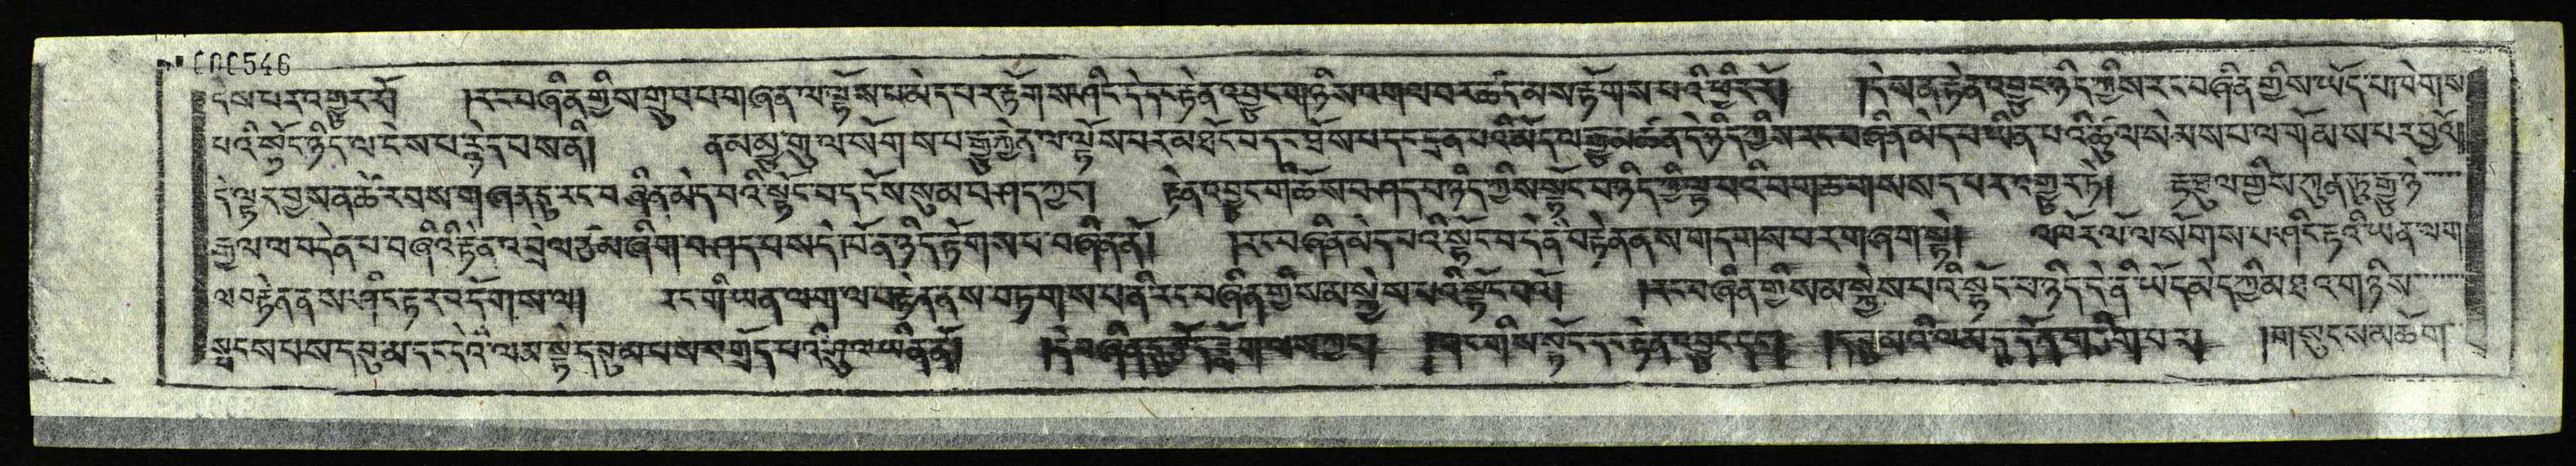ངེས་པར་འགྱུར་རོ། །རང་བཞིན་གྱིས་གྲུབ་པ་གཞན་ལ་ལྟོས་པ་མེད་པར་རྟོགས་ཤིང་དེ་དང་རྟེན་འབྱུང་གཉིས་འགལ་བར་ཚད་མས་རྟོགས་པའི་ཕྱིར་རོ། །དེས་ན་རྟེན་འབྱུང་ཉིད་ཀྱིས་རང་བཞིན་གྱིས་ཡོད་པ་ཁེགས་
པའི་སྟོང་ཉིད་ལ་ངེས་པ་རྙེད་པས་ནི། ནམ་མྱུ་གུ་ལ་སོགས་པ་རྒྱུ་རྐྱེན་ལ་ལྟོས་པར་མཐོང་བ་དང་ཐོས་པ་དང་དྲན་པའི་མོད་ལ་རྒྱུ་མཚན་དེ་ཉིད་ཀྱིས་རང་བཞིན་མེད་པ་ཡིན་པའི་ཚུལ་སེམས་པ་ལ་གོམས་པར་བྱའོ།
དེ་ལྟར་བྱས་ན་ཚེ་རབས་གཞན་དུ་རང་བཞིན་མེད་པའི་སྟོང་པ་དངོས་སུམ་བཤད་ཀྱང་། རྟེན་འབྱུང་གི་ཆོས་བཤད་པ་ཉིད་ཀྱིས་སྟོང་པ་ཉིད་ཀྱི་ལྟ་བའི་བག་ཆགས་སད་པར་འགྱུར་ཏེ། རྟ་ཐུལ་གྱིས་ཀུན་ཏུ་རྒྱུ་ཉེ་
རྒྱལ་ལ་བདེན་པ་བཞིའི་རྟེན་འབྲེལ་ཙམ་ཞིག་བཤད་པས་དེ་ཁོ་ན་ཉིད་རྟོགས་པ་བཞིན་ནོ། །རང་བཞིན་མེད་པའི་སྟོང་པ་དེ་ནི་བརྟེན་ནས་གདགས་པར་གཞག་སྟེ། འཁོར་ལོ་ལ་སོགས་པ་ཤིང་རྟའི་ཡན་ལག་
ལ་བརྟེན་ནས་ཤིང་རྟར་འདོགས་ལ། རང་གི་ཡན་ལག་ལ་བརྟེན་ནས་བཏགས་པ་ནི་རང་བཞིན་གྱིས་མ་སྐྱེས་པའི་སྟོང་པའོ། །རང་བཞིན་གྱིས་མ་སྐྱེས་པའི་སྟོང་པ་ཉིད་དེ་ནི་ཡོད་མེད་ཀྱི་མཐའ་གཉིས་
སྤངས་པས་དབུ་མ་དང་དེའི་ལམ་སྟེ་དབུ་མ་པས་བགྲོད་པའི་ཤུལ་ཡིན་ནོ། །དེ་བཞིན་དུ་རྩོད་ཟློག་ལས་ཀྱང་། །གང་གིས་སྟོང་དང་རྟེན་འབྱུང་དང་། །དབུ་མའི་ལམ་དུ་དོན་གཅིག་པར། །གསུངས་མཆོག་